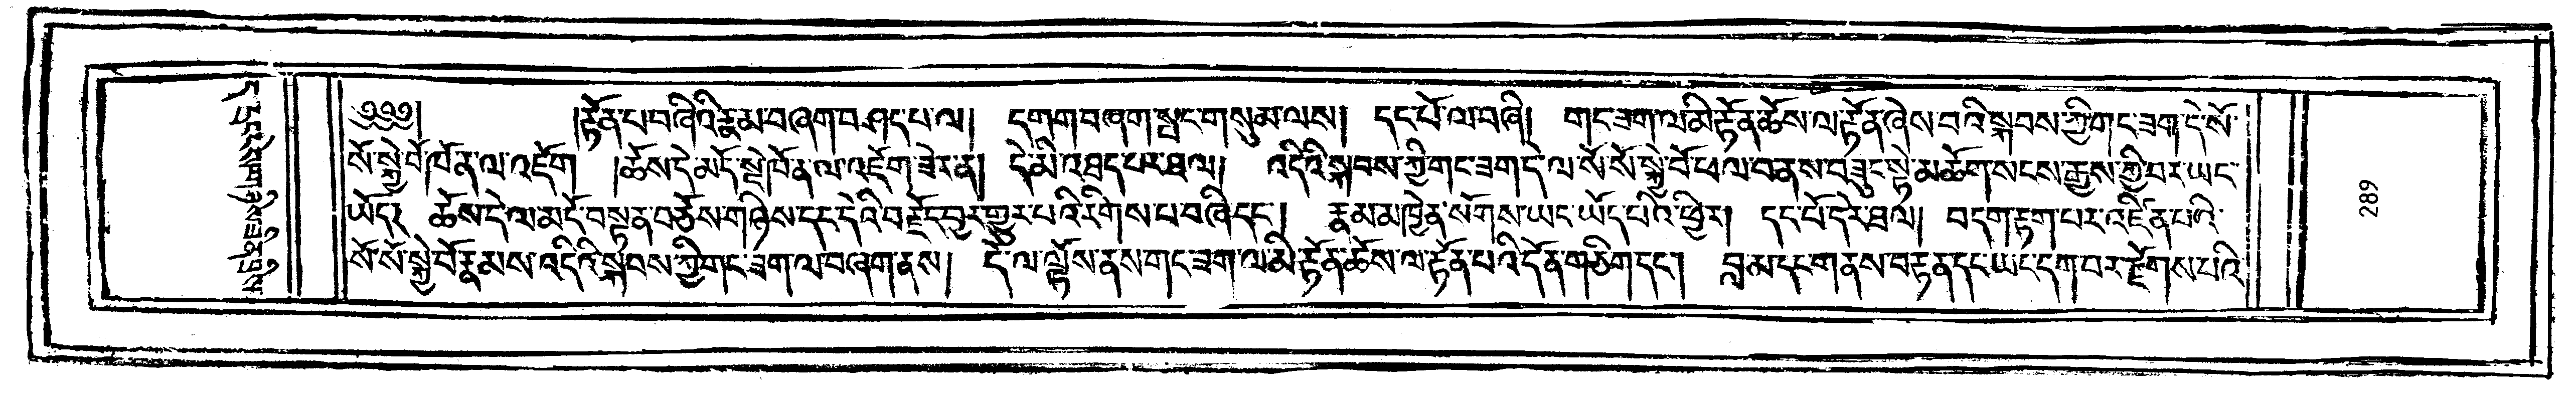༄༅༅། །རྟོན་པ་བཞིའི་རྣམ་བཞག་བཤད་པ་ལ། དགག་བཞག་སྤང་གསུམ་ལས། དང་པོ་ལ་བཞི། གང་ཟག་ལ་མི་རྟོན་ཆོས་ལ་རྟོན་ཞེས་པའི་སྐབས་ཀྱི་གང་ཟག་དེ་སོ་
སོ་སྐྱེ་བོ་ཁོ་ན་ལ་འཇོག །ཆོས་དེ་མདོ་སྡེ་ཁོ་ན་ལ་འཇོག་ཟེར་ན། དེ་མི་འཐད་པར་ཐལ། འདིའི་སྐབས་ཀྱི་གང་ཟག་དེ་ལ་སོ་སོ་སྐྱེ་བོ་ཕལ་བ་ནས་བཟུང་སྟེ་མཆོག་སངས་རྒྱས་ཀྱི་པར་ཡང་
ཡོད༑ ཆོས་དེ་ལ་མདོ་བསྟན་བཅོས་གཉིས་དང་དེའི་བརྗོད་བྱར་གྱུར་པའི་རིགས་པ་བཞི་དང་། རྣམ་མཁྱེན་སོགས་ཡང་ཡོད་པའི་ཕྱིར། དང་པོ་དེར་ཐལ། བདག་རྟག་པར་འཛིན་པའི་
སོ་སོ་སྐྱེ་བོ་རྣམས་འདིའི་སྐབས་ཀྱི་གང་ཟག་ལ་བཞག་ནས། དེ་ལ་ལྟོས་ནས་གང་ཟག་ལ་མི་རྟོན་ཆོས་ལ་རྟོན་པའི་དོན་གཅིག་དང་། བླ་མ་དང་གནས་བརྟན་དང་ཡང་དག་པར་རྫོགས་པའི་